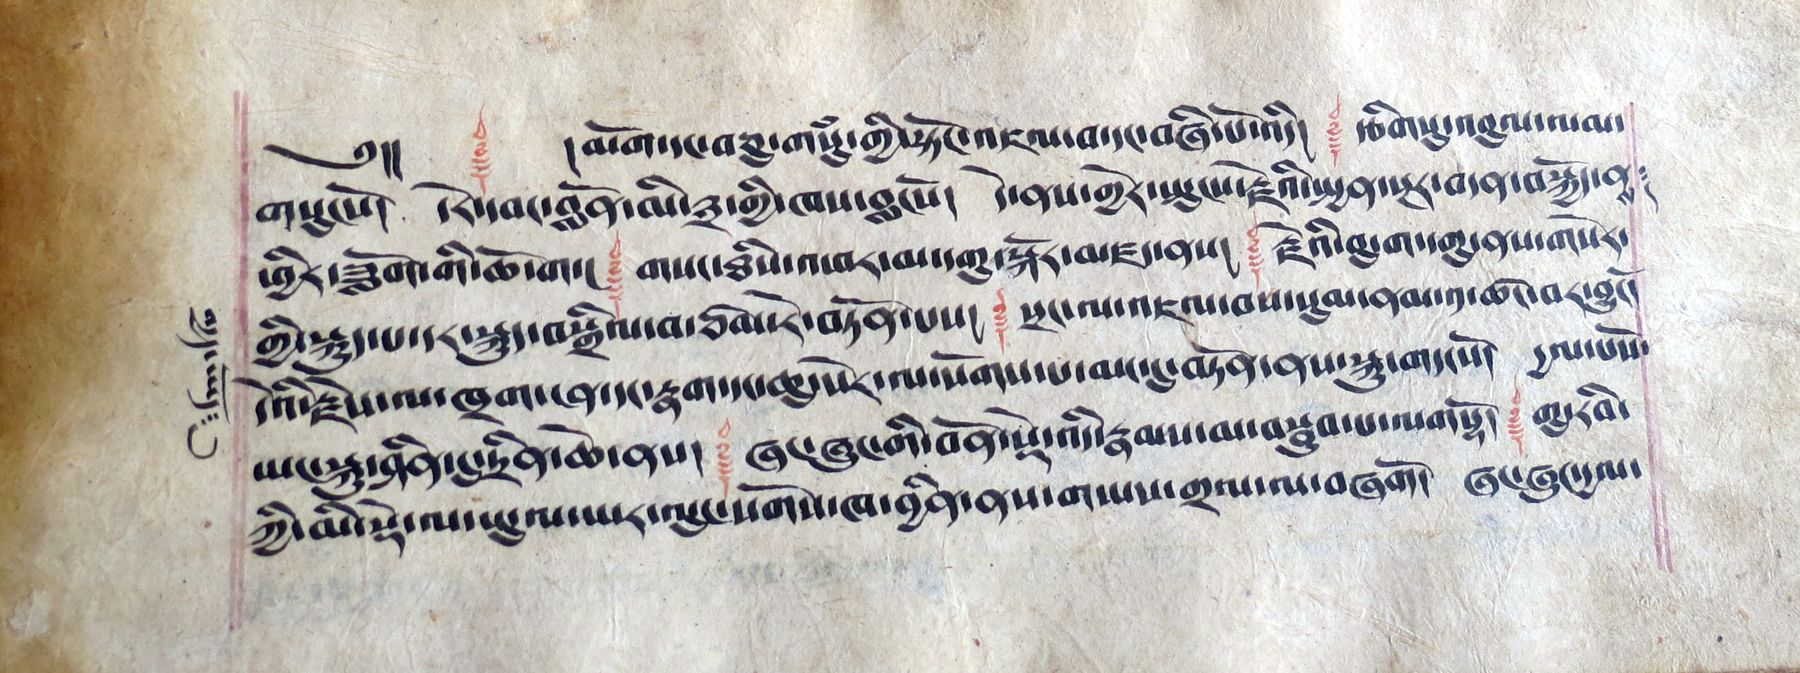མགོ་དང་བཅུ་གསུམ་གྱི་སྟོང་མཇལ་བ། གཙིགས་སུ་སྦྱིན་ནམ་ལམ་
གསུངས་སོ། ། དེར་དབང་བློན་མི་གསུམ་གྱིས་ཁས་བླངས་སོ། ། དེ་ནས་གྱེར་སྤུངས་རྗེའི་སྤྱན་སྔར་གདན་སྐྱོད་ནས། 
ཕྱིར་ལྡོག་གི་ཆོ་ག། གསང་ཐིས་འཕར་མ་དགུ་སྐོར་མཛད། རྗེའི་བུ་ག་དགུ་ནས་གསེར་
གྱི་སྐུད་པ་དར་སྐུད་སྒྲིལ་མ་ཙམ་རེ་ཡང་བཏོན་ནོ། ། སྲང་ལ་བཅལ་བས་སུམ་ནམ་གཅིག་ཚང་བར་བྱུང་ངོ་། ། 
དེའི་རྗེས་ལ་ཁྲག་ངན་དང་རྣག་དང་ཆུ་སེར་ལས་སོགས་པ་མང་དུ་བཏོན་ནས་བསྙུངས་པ་དྭངས་སོ། ། རྒྱལ་པོས་
ཡང་སྐུ་ཤིན་ཏུ་དྲིན་ཆེ་ནས། ཞང་ཞུང་བོན་སྡེ་རྣམས་མ་བསྣུབས་པ་ལགས་སོ། ། གུ་རིབ་
ཀྱི་མི་སྡེ་ལ་ཡུལ་ཡར་ལུང་སོག་ཁ་བྱིན་ནས། གྲལ་གཡས་ལ་བཞག་གོ། ཞང་ཞུང་རྒྱལ་